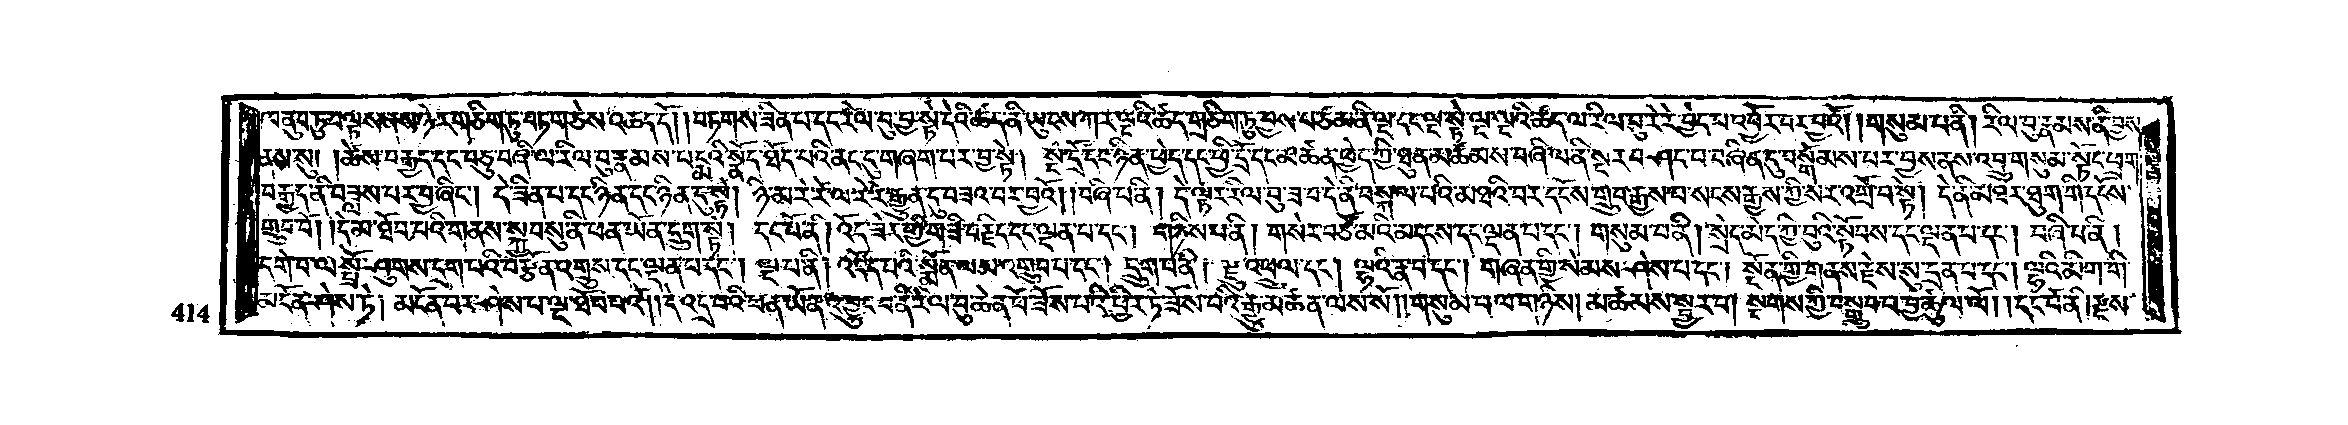ཁ་ནུབ་ཏུ་བལྟས་ནས་ཉེར་གཅིག་ཏུ་བཏག་ཅེས་འཆད་དོ། །བཏགས་ཟིན་པ་དང་རིལ་བུ་བྱ་སྟེ་དེའི་ཚད་ནི་ཡུངས་ཀར་ལྔའི་ཚད་གཅིག་ཏུ་བྱས་པ་ཙམ་ནི་ལྔ་དང་ལྔ་སྟེ་ལྔ་ལྔའི་ཚད་ལ་རིལ་བུ་རེ་རེ་བྱེད་པ་འབྱོར་བར་བྱའོ། །གསུམ་པ་ནི། རིལ་བུ་རྣམས་ནི་བྱས་
ནས་སུ། །ཚེས་བརྒྱད་དང་བཅུ་བཞི་ལ་རིལ་བུ་རྣམས་པདམའི་སྣོད་ཐོད་པའི་ནང་དུ་གཞག་པར་བྱ་སྟེ། སྔ་དྲོ་དང་ཉིན་ཕྱེད་དང་ཕྱི་དྲོ་དང་མཚན་ཕྱེད་ཀྱི་ཐུན་མཚམས་བཞི་ལ་ནི་སྔར་བཤད་པ་བཞིན་དུ་བསྒོམས་པར་བྱས་ནས་འབྲུ་གསུམ་སྟོང་ཕྲག་
བརྒྱད་ནི་བཟླས་པར་བྱ་ཞིང་། དེ་ཟིན་པ་དང་ཉིན་དང་ཉིན་དུ་སྟེ། ཉི་མ་རེ་རེ་ལ་རེ་རེ་རྒྱུན་དུ་བཟའ་བར་བྱའོ། །བཞི་པ་ནི། དེ་ལྟར་རིལ་བུ་ཟ་བ་དེ་ནི་བསྐལ་པའི་མཐའི་བར་དངོས་གྲུབ་རྒྱས་པ་སངས་རྒྱས་ཀྱི་སར་འགྲོ་བ་སྟེ། དེ་ནི་མཐར་ཐུག་གི་དངོས་
གྲུབ་བོ། །དེ་མ་ཐོབ་པའི་གནས་སྐབས་སུ་ནི་ཕན་ཡོན་དྲུག་སྟེ། དང་པོ་ནི། འོད་ཟེར་གྱི་གཟི་བརྗིད་དང་ལྡན་པ་དང་། གཉིས་པ་ནི། གསེར་བཙོ་མའི་མདངས་དང་ལྡན་པ་དང་། གསུམ་པ་ནི། སྲེད་མེད་ཀྱི་བུའི་སྟོབས་དང་ལྡན་པ་དང་། བཞི་པ་ནི།
དགེ་བ་ལ་སྤྲོ་ཤུགས་དྲག་པའི་བརྩོན་འགྲུས་དང་ལྡན་པ་དང་། ལྔ་པ་ནི། འདོད་པའི་སྨོན་ལམ་འགྲུབ་པ་དང་། དྲུག་པ་ནི། རྫུ་འཕྲུལ་དང་། ལྷའི་རྣ་བ་དང་། གཞན་གྱི་སེམས་ཤེས་པ་དང་། སྔོན་གྱི་གནས་རྗེས་སུ་དྲན་པ་དང་། ལྷའི་མིག་གི་
མངོན་ཤེས་ཏེ། མངོན་པར་ཤེས་པ་ལྔ་ཐོབ་པའོ། །དེ་འདྲ་བའི་ཕན་ཡོན་འབྱུང་བ་ནི་རིལ་བུ་ཆེན་པོ་ཟེས་པའི་ཕྱིར་ཏེ་ཟོས་པའི་རྒྱུ་མཚན་ལས་སོ། །གསུམ་པ་ལ་གཉིས། མཚམས་སྦྱར་བ་སྔགས་ཀྱི་བསྒྲུབ་པ་བྱ་ཚུལ་ལོ། །དང་པོ་ནི། རྫས་